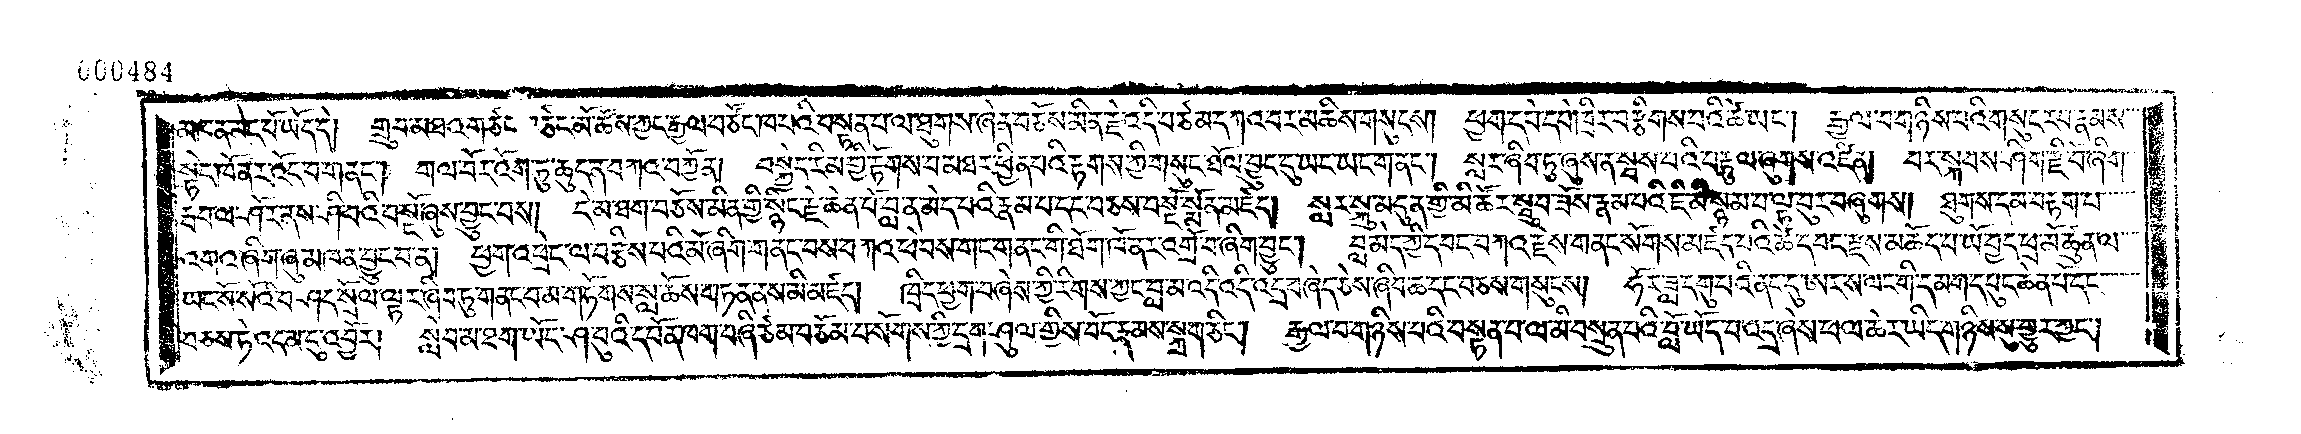མཁན་མང་པོ་ཡོད་དེ། གྲུབ་མཐའ་གཙང་གཙང་མོ་ཚོས་ཀྱང་རྒྱལ་བ་ཙོང་ཁ་པའི་བསྟན་པ་ལ་ཐུགས་ཞེན་བཅོས་མིན་རྗེ་འདི་བ་ཙམ་དཀའ་བར་མཆིས་གསུངས། ཕྱག་དཔེ་དཔེ་ཁྲིར་བརྩིགས་པའི་ཚེ་ཡང་། རྒྱལ་བ་གཉིས་བའི་གསུང་རབ་རྣམས་
སྟེང་ཁོ་ནར་འོང་བ་གནང་། གལ་བོར་འོག་ཏུ་ཆུད་ན་བཀའ་བཀྱོན། བསྐྱེད་རིམ་གྱི་རྟོགས་པ་མཐར་ཕྱིན་པའི་རྟགས་ཀྱི་གསུང་ཐོལ་བྱུང་དུ་ཡང་ཡང་གནང་། སླར་ཞིབ་ཏུ་ཞུས་ན་སྦས་པའི་བརྟུལ་ཞུགས་འཛིན། བར་སྐབས་ཤིག་རྫི་བོ་ཞིག་
རྦབ་ལ་ཤོར་ནས་ཤི་བའི་བསྔོ་ཞུས་བྱུང་བས། དེ་མ་ཐག་བཅོས་མིན་གྱི་སྙིང་རྗེ་ཆེན་པོ་བླ་ན་མེད་པའི་རྣམ་པ་དང་བཅས་བསྔོ་སྨོན་མཛད། སླར་སྐུ་མདུན་གྱི་མི་ཚོར་སྦུབ་ཟོས་རྣམ་པའི་ཇི་མི་སྙམ་པ་ལྟ་བུར་བཞུགས། ཐུགས་དམ་བརྟག་པ་
འགའ་ཞིག་ཞུ་མཁན་བྱུང་བ་ན། ཕྱག་འཕྲེང་ལ་བརྩིས་པའི་མོ་ཞིག་གནང་བས་བཀའ་ཕེབས་གང་གནང་གི་ཐོག་ཁོ་ནར་འགྲོ་བ་ཞིག་བྱུང་། བླ་མེད་ཀྱི་དབང་བཀའ་རྗེས་གནང་སོགས་མཛད་པའི་ཚེ་དབང་རྫས་མཆོད་པ་ཡོ་བྱད་ཕྲ་མོ་ཚུན་ལ་
ཡང་སོ་སོའི་བཤད་སྤྲོལ་ལྟར་ཞིབ་ཏུ་གནང་བ་མ་གཏོགས་སླ་ཆོས་གཏན་ནས་མི་མཛད། ཁྲིད་ཕྱག་བཞེས་ཀྱི་རིགས་ཀྱང་བླ་མ་འདི་འདི་འདྲ་བཞེད་ཅེས་ཞིབ་ཆ་དང་བཅས་གསུངས། ཧོར་ཟླ་དགུ་པའི་ནང་དུ་ཨར་ས་ལང་གི་དམག་དཔུང་ཆེན་པོ་དང་
བཅས་ཏེ་འདམ་དུ་འབྱོར། སླེབ་མ་ཐག་ཡོང་ཤ་བུའི་དཔོན་ཁག་བཞི་ཙམ་བཅོམ་པ་སོགས་ཀྱི་དྲག་ཤུལ་གྱིས་བོད་རྣམས་སྐྲག་ཅིང་། རྒྱལ་བ་གཉིས་པའི་བསྟན་པ་ལ་མི་བསྲུན་པའི་བློ་ཡོད་པ་འདྲ་ཞེས་ཕལ་ཆེར་ཡིད་གཉིས་སུ་གྱུར་ཀྱང་།